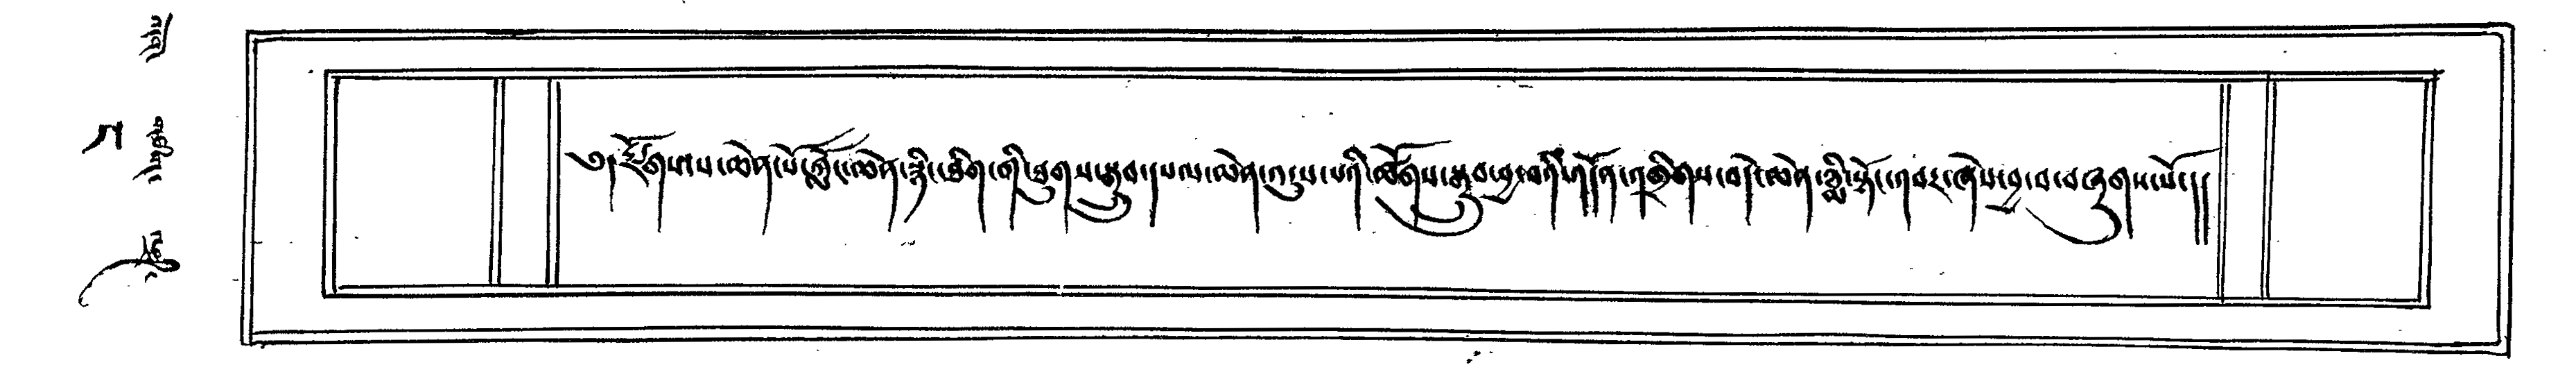༄། རྫོགས་པ་ཆེན་པོ་ཀློང་ཆེན་སྙིང་ཐིག་གི་ཐུགས་སྒྲུབ་དཔལ་ཆེན་འདུས་པའི་ཚོགས་སྒྲུབ་བྱ་བའི་འདོན་འགྲིགས་བདེ་ཆེན་ཉི་མ་སྟོང་འབར་ཞེས་བྱ་བ་བཞུགས་སོ།།